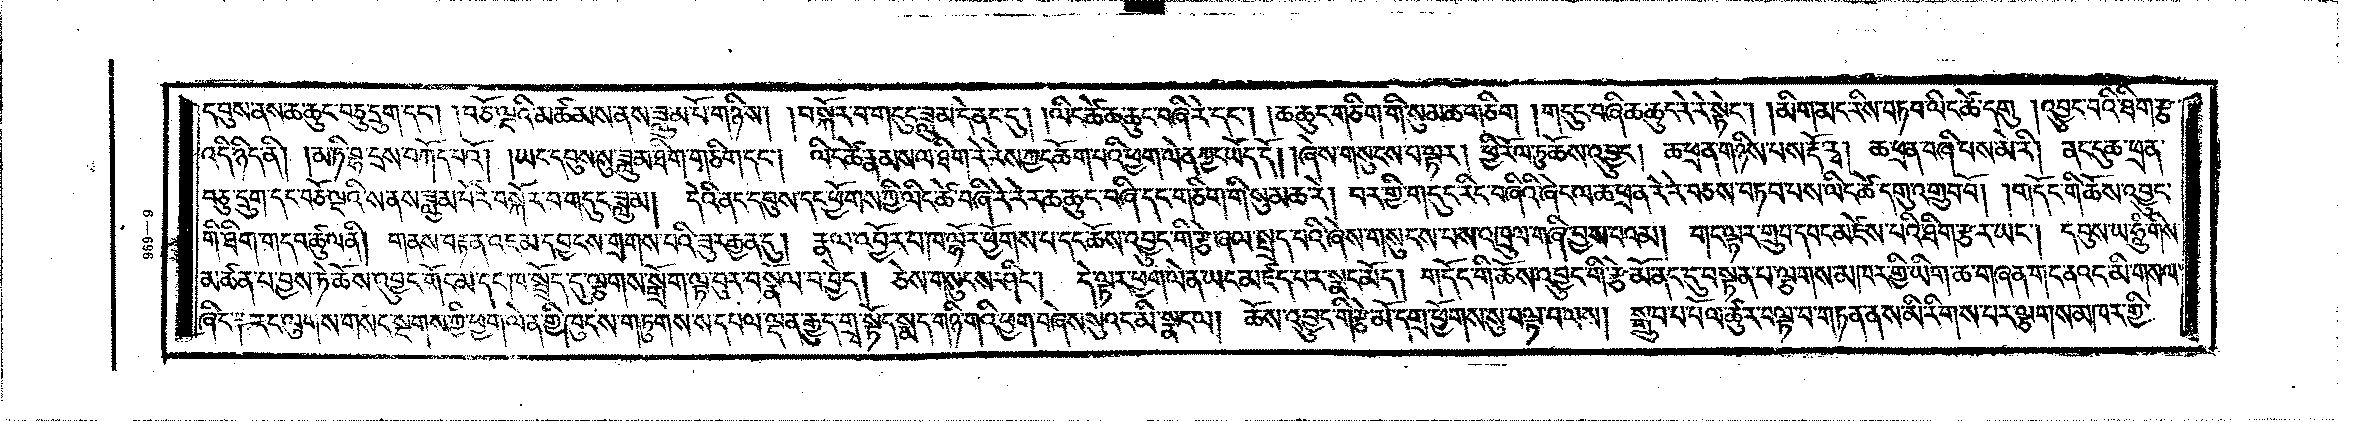དབུས་ནས་ཆ་ཆུང་བཅུ་དྲུག་དང་། །བཅོ་ལྔའི་མཚམས་ནས་ཟླུམ་པོ་གཉིས། །བསྐོར་བ་གདུང་ཟླུམ་དེ་ནང་དུ། །ལིང་ཚེ་ཆ་ཆུང་བཞི་རེ་དང་། །ཆ་ཆུང་གཅིག་གི་སུམ་ཆ་གཅིག །གདུང་བཞི་ཆ་ཆུང་རེ་རེ་སྟེང་། །མིག་མང་རིས་བཏབ་ལིང་ཚེ་དགུ། །བྱུང་བའི་ཐིག་རྩ་
འདི་ཉིད་ནི། །མ་ཧི་བྷ་དྲས་བཀོད་པའོ། །ཡང་དབུས་སུ་ཟླུམ་ཐིག་གཅིག་དང་། ལིང་ཚེ་རྣམས་ལ་ཐིག་རེ་རེས་ཀྱང་ཆོག་པའི་ཕྱག་ལེན་ཀྱང་ཡོད་དོ། །ཞེས་གསུངས་བ་ལྟར། ཕྱི་རོལ་ཏུ་ཆོས་འབྱུང་། ཆ་ཕྲན་གཉིས་པས་རྡོ་རྭ། ཆ་ཕྲན་བཞི་པས་མེ་རི། ནང་དུ་ཆ་ཕྲན་
བཅུ་དྲུག་དང་བཅོ་ལྔའི་ས་ནས་ཟླུམ་པོའི་བསྐོར་བ་གདུང་ཟླུམ། དེའི་ནང་དབུས་དང་ཕྱོགས་ཀྱི་ལིང་ཚེ་བཞི་རེར་ཆ་ཆུང་བཞི་དང་གཅིག་གི་སུམ་ཆ་རེ། བར་གྱི་གདུང་རིང་བཞཱི་ཞེང་ལ་ཆ་ཕྲན་རེ་རེ་བཅས་བཏབ་པས་ལིང་ཚེ་དགུ་འགྲུབ་བོ། །གདོང་གི་ཆོས་འབྱུང་
གི་ཐིག་གདབ་ཚུལ་ནི། གནས་བརྟན་འཇམ་དབྱངས་གྲགས་པའི་ཟུར་རྒྱན་དུ། རྣལ་འབྱོར་བ་ཁ་ལྷོར་ཕྱོགས་པ་དང་ཆོས་འབྱུང་གི་རྩེ་ཞལ་སྤྲད་པའི་ཞེས་གསུངས་པས་འཁྲུལ་གཞི་བྱས་པའམ། གང་ལྟར་གྲུབ་དབང་མཛེས་པའི་ཐིག་རྩར་ཡང་། དབུས་ཡ་ཧཱུཾ་གིས་
མཚན་པ་བྱས་ཏེ་ཆོས་འབྱུང་གོང་མ་དང་ཁ་སྤྲོད་དུ་ལྕགས་སྒྲོག་ལྟ་བུར་བསྣོལ་བ་བྱེད། ཅེས་གསུངས་ཤིང་། དེ་ལྟར་ཕྱག་ལེན་ཡང་མཛད་པར་སྣང་མོད། གདོང་གི་ཆོས་འབྱུང་གི་རྩེ་མོ་ནང་དུ་བསྟན་པ་ལྕགས་མཁར་གྱི་ཡིག་ཆ་གཞན་གང་ནའང་མི་གསལ་
ཞིང༑ རང་ལུགས་གསང་སྔགས་ཀྱི་ཕྱག་ལེན་གྱི་ཁུངས་གཏུགས་ས་དཔལ་ལྡན་རྒྱུད་གྲྭ་སྟོད་སྨད་གཉིས་གའི་ཕྱག་བཞེས་སུའང་མི་སྣང་ལ། ཆོས་འབྱུང་གི་རྩེ་མོ་དགྲ་ཕྱོགས་སུ་བལྟ་བ་ལས། སྒྲུབ་པ་པོ་ལ་ཚུར་བལྟ་བ་གཏན་ནས་མི་རིགས་པར་ལྕགས་མཁར་གྱི་